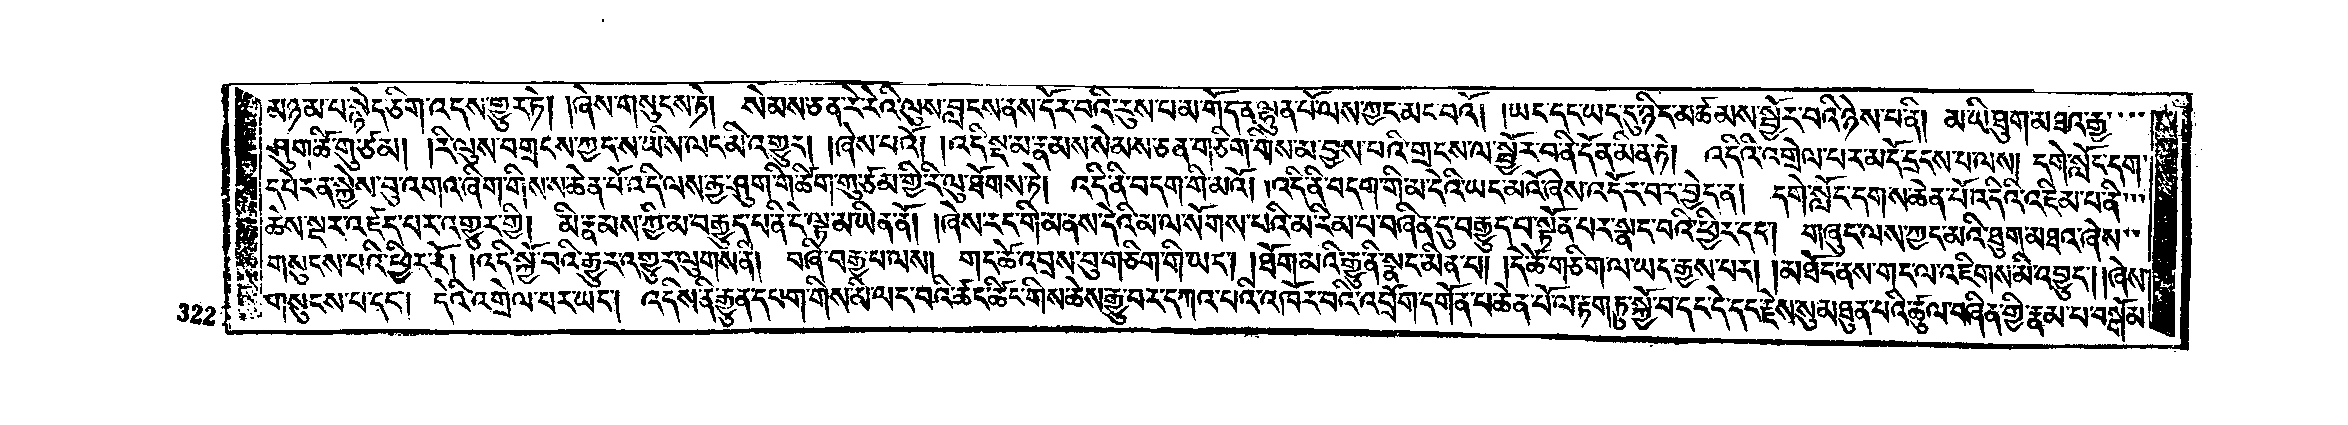མཉམ་པ་སྙེད་ཅིག་འདས་གྱུར་ཏེ། །ཞེས་གསུངས་ཏེ། སེམས་ཅན་རེ་རེའི་ལུས་བླངས་ནས་དོར་བའི་རུས་པ་མ་གོད་ན་ལྷུན་པོ་ལས་ཀྱང་མང་བའོ། །ཡང་དང་ཡང་དུ་ཉིད་མཚམས་སྦྱོར་བའི་ཉེས་པ་ནི། མ་ཡི་ཐུག་མཐའ་རྒྱ་
ཤུག་ཚི་གུ་ཙམ། །རི་ལུས་བགྲངས་ཀྱང་ས་ཡིས་ལང་མི་འགྱུར། །ཞེས་པའོ། །འདི་སྔ་མ་རྣམས་སེམས་ཅན་གཅིག་གིས་མ་བྱས་པའི་གྲངས་ལ་སྦྱོར་བ་ནི་དོན་མིན་ཏེ། འདིའི་འགྲེལ་པར་མདོ་དྲངས་པ་ལས། དགེ་སློང་དག་
དཔེར་ན་སྐྱེས་བུ་འགའ་ཞིག་གིས་ས་ཆེན་པོ་འདི་ལས་རྒྱ་ཤུག་གི་ཚིག་གུ་ཙམ་གྱི་རི་ལུ་ཐོགས་ཏེ། འདི་ནི་བདག་གི་མའོ། །འདི་ནི་བདག་གི་མ་དེའི་ཡང་མའོ་ཞེས་འདོར་བར་བྱེད་ན། དགེ་སློང་དག་ས་ཆེན་པོ་འདིའི་འཇིམ་པ་ནི་
ཆེས་སྔར་འཛད་པར་འགྱུར་གྱི། མི་རྣམས་ཀྱི་མ་བརྒྱུད་པ་ནི་དེ་ལྟ་མ་ཡིན་ནོ། །ཞེས་རང་གི་མ་ནས་དེའི་མ་ལ་སོགས་པའི་མ་རིམ་པ་བཞིན་དུ་བརྒྱུད་པ་སྟོན་པར་སྣང་བའི་ཕྱིར་དང་། གཞུང་ལས་ཀྱང་མའི་ཐུག་མཐའ་ཞེས་
གསུངས་པའི་ཕྱིར་རོ། །འདི་སྐྱོ་བའི་རྒྱུར་འགྱུར་ལུགས་ནི། བཞི་བརྒྱ་པ་ལས། གང་ཚེ་འབྲས་བུ་གཅིག་གི་ཡང་། །ཐོག་མའི་རྒྱུ་ནི་སྣང་མིན་པ། །དེ་ཚེ་གཅིག་ལ་ཡང་རྒྱས་པར། །མཐོང་ནས་གང་ལ་འཇིགས་མི་འབྱུང་། །ཞེས་
གསུངས་པ་དང་། དེའི་འགྲེལ་པར་ཡང་། འདིས་ནི་རྒྱུན་དཔག་གིས་མི་ལང་བའི་ཚང་ཚིང་གིས་ཆེས་རྒྱུ་བར་དཀའ་བའི་འཁོར་བའི་འབྲོག་དགོན་པ་ཆེན་པོ་ལ་རྟག་ཏུ་སྐྱོ་བ་དང་དེ་དང་རྗེས་སུ་མཐུན་པའི་ཚུལ་བཞིན་གྱི་རྣམ་པ་བསྒོམ་